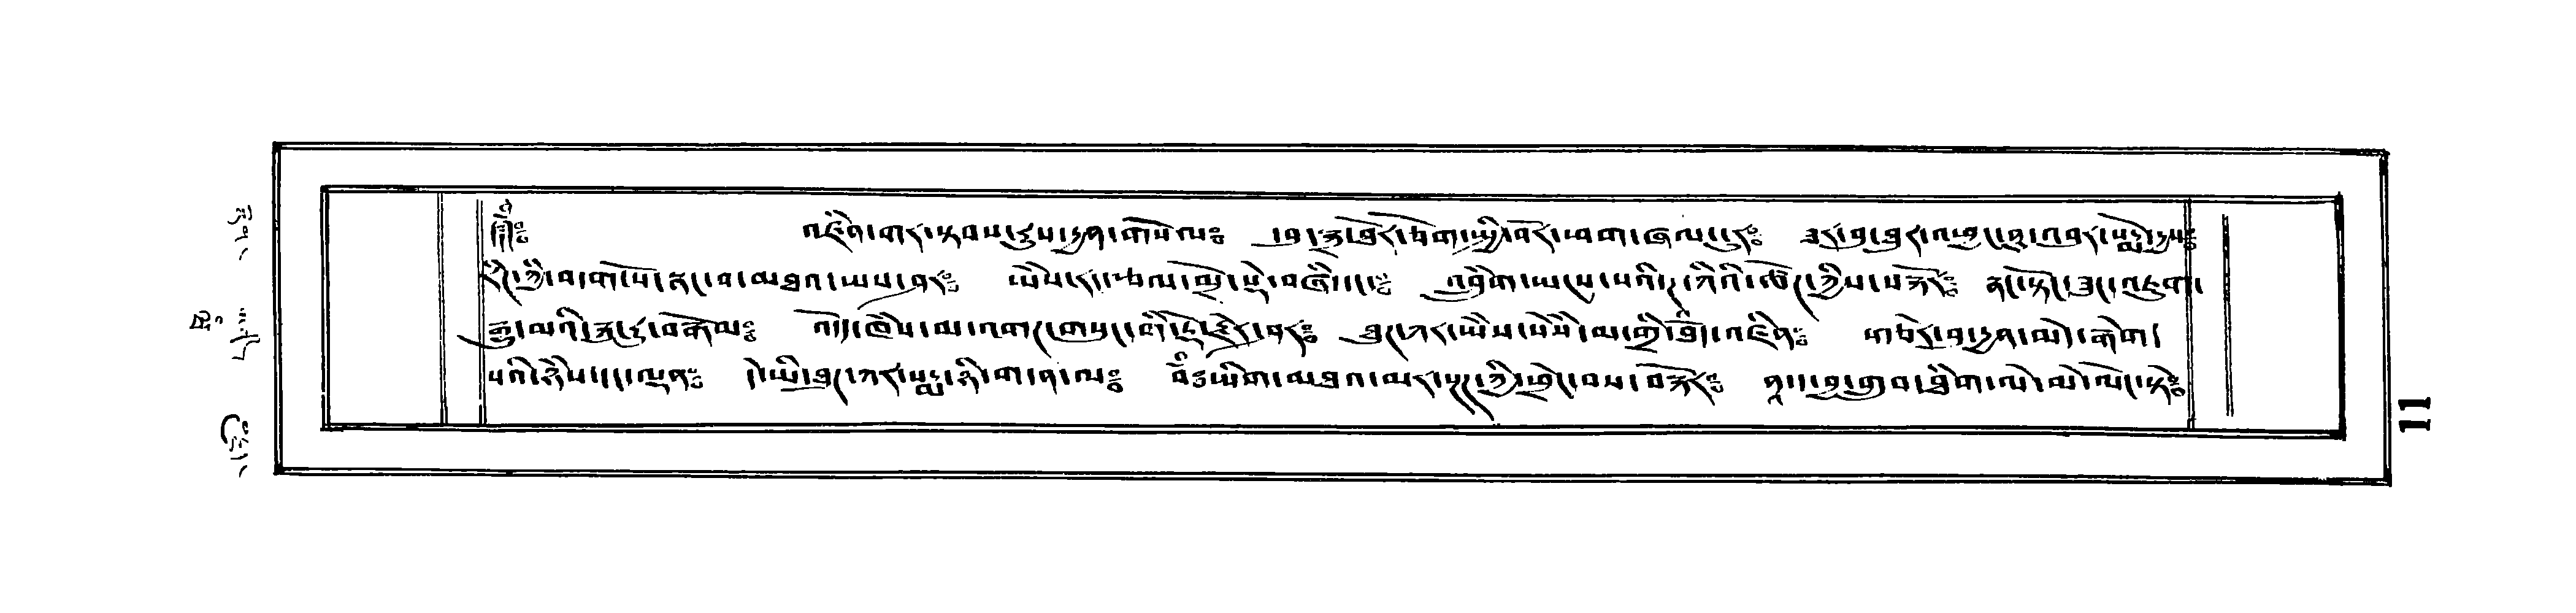འཛིན་གར་སྟབས་རུས་རྒྱན་གསོལ༔ དབུ་སྐྲ་ཐོར་ཅོག་སྤྱི་བོར་ཕག་ཞལ་ངུར༔ ཟར་བུ་ཐུར་འཕྱང་ནུ་འབུར་པདྨོ་རྒྱས༔ 
རིགས་ཀྱི་བདག་པོ་སྣང་བ་མཐའ་ཡས་ཤར༔ ཡེ་ཤེས་རང་རྩལ་མཁའ་འགྲོ་སྡེ་བཞི་དང༔ འབུམ་ཕྲག་ཡངས་པའི་ཌཱ་ཀིའི་ཚོགས་ཀྱིས་བསྐོར༔ སྣང་སྟོང་ཟུང་འཇུག་
སྒྱུ་མའི་སྐུ་རུ་བསྒོམ༔ འདོད་ཁམས་མ་འགགས་གསུང་གི་རྡོ་རྗེར་ཤར༔ ཐུགས་ཀར་ཡེ་ཤེས་སེམས་མ་གྲི་ཐོད་འཛིན༔ གཅེར་བུ་རྒྱན་མེད་སྒེག་
པའི་ཉམས་དང་ལྡན༔ དེ་ཡི་ཐུགས་ཀར་པདྨ་ཉི་གདན་ལ༔ བྃཿཡིག་མཐའ་མར་སྔགས་ཀྱི་ཕྲེང་བས་བསྐོརཿ ནཱ་ད་བྱ་གྲུབ་ཐིག་ལེ་མེ་ལོང་སྟེ༔